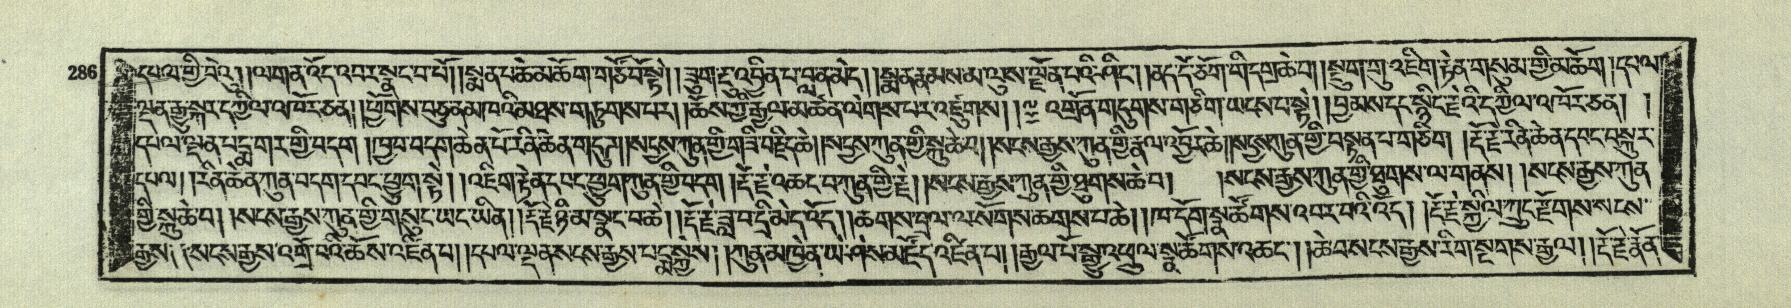དཔལ་གྱི་བེའུ། །ལག་ན་འོད་འབར་སྣང་བ་པོ། །སྨན་པ་ཆེ་མཆོག་གཙོ་བོ་སྟེ། །ཟུག་རྔུ་འབྱིན་པ་བླ་ན་མེད། །སྨན་རྣམས་མ་ལུས་ལྗོན་པའི་ཤིང་། །ནད་དོ་ཅོག་གི་དགྲ་ཆེ་བ། །སྡུག་གུ་འཇིག་རྟེན་གསུམ་གྱི་མཆོག །དཔལ་
ལྡན་རྒྱུ་སྐར་དཀྱིལ་འཁོར་ཅན། །ཕྱོགས་བཅུ་ནམཁའི་མཐས་གཏུགས་པར། །ཆོས་ཀྱི་རྒྱལ་མཚན་ལེགས་པར་འཛུགས། ། འ་འགྲོ་ན་གདུགས་གཅིག་ཡངས་པ་སྟེ། །བྱམས་དང་སྙིང་རྗེའི་དཀྱིལ་འཁོར་ཅན། །
དཔལ་ལྡན་པདམ་གར་གྱི་བདག །ཁྱབ་བདག་ཆེན་པོ་རིན་ཆེན་གདུཌ། །སངྱས་ཀུན་གྱི་གཟི་བརྗིད་ཆེ། །སངྱས་ཀུན་གྱི་སྐུ་ཆེ་བ། །སངས་རྒྱས་ཀུན་གྱི་རྣལ་འབྱོར་ཆེ། །སངྱས་ཀུན་གྱི་བསྟན་པ་གཅིག །རྡོ་རྗེ་རིན་ཆེན་དབང་བསྐུར་
དཔལ། །རིན་ཆེན་ཀུན་བདག་དབང་ཕྱུག་སྟེ། །འཇིག་རྟེན་དབང་ཕྱུག་ཀུན་གྱི་བདག །རྡོ་རྗེ་འཆང་བ་ཀུན་གྱི་རྗེ། །སངས་རྒྱས་ཀུན་གྱི་ཐུགས་ཆེ་བ། །སངས་རྒྱས་ཀུན་གྱི་ཐུགས་ལ་གནས། །སངས་རྒྱས་ཀུན་
གྱི་སྐུ་ཆེ་བ། །སངས་རྒྱས་ཀུན་གྱི་གསུང་ཡང་ཡིན། །རྡོ་རྗེ་ཉི་མ་སྣང་བ་ཆེ། །རྡོ་རྗེ་ཟླ་བ་དྲི་མེད་འོད། །ཆགས་བྲལ་ལ་སོགས་ཆགས་པ་ཆེ། །ཁ་དོག་སྣ་ཚོགས་འབར་བའི་འོད། །རྡོ་རྗེ་སྐྱིལ་ཀྲུང་རྫོགས་སངས་
རྒྱས༑ ༑སངས་རྒྱས་འགྲོ་བའི་ཆོས་འཛིན་པ། །དཔལ་ལྡན་སངས་རྒྱས་པདམ་སྐྱེས། །ཀུན་མཁྱེན་ཡེ་ཤེས་མཛོད་འཛིན་པ། །རྒྱལ་པོ་སྒྱུ་འཕྲུལ་སྣ་ཚོགས་འཆང་། །ཆེ་བ་སངས་རྒྱས་རིག་སྔགས་རྒྱལ། །རྡོ་རྗེ་རྣོན་